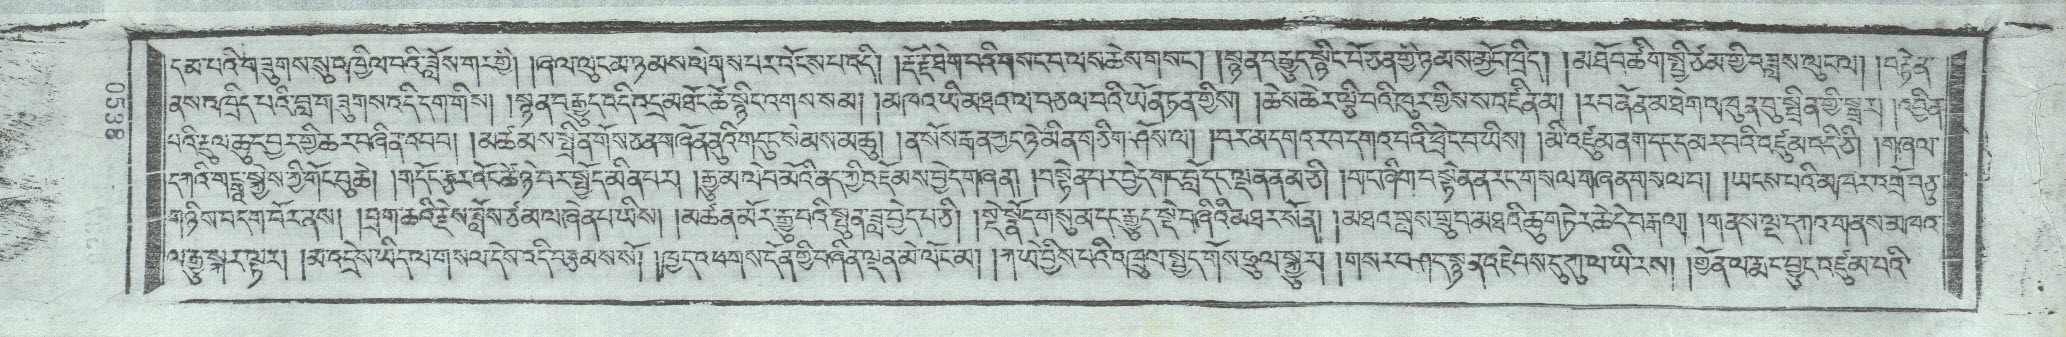དམ་པའི་གཟུགས་སུ་འཁྱིལ་བའི་ཟློས་གར་གྱི། །ཞལ་ལུང་མ་ཉམས་ལེགས་པར་འོངས་པ་འདི། །རྡོ་རྗེ་ཐེག་པའི་གསང་བ་ལས་ཆེས་གསང་། །སྙན་བརྒྱུད་སྙིང་པོ་ཅན་གྱི་ཉམས་མྱོང་ཁྲིད། །མཐོབ་ཚིག་སྤྱི་ཙམ་གྱི་བཟླས་ལུང་ལ། །བརྟེན་
ནས་ལ་ཁྲིད་པའི་བླ་གཟུགས་འདི་དག་གིས། །སྙན་བརྒྱུད་འདི་འདྲ་མཐོང་ཆོ་སྙིང་འགས་སམ། །མཁའ་ཡི་མཐའ་ལ་བཅལ་བའི་ཡོན་ཏན་གྱིས། །ཆེས་ཆེར་ལྕི་བའི་ཁུར་གྱིས་ས་འཛིན་མ། །རབ་ན་ནམ་?མཁའ་འཁུན་བུ་སྦྲིན་གྱི་སྒྲར། །འབྱིན་
པའི་རྡུལ་ཆུ་དབྱར་གྱི་ཆར་བཞིན་རྣ་འབབ། །མཚམས་སྤྲིན་གོས་ཅན་གཞོན་ནུའི་གདུང་སེམས་མཆུ། །ན་སོས་རྒན་ཀྱང་ཉེ་མིན་གཅིག་ཤོས་ལ། །བར་མ་དགའ་བའི་བྱེད་བ་ཡིས། མོ་འཛུམ་ནག་དང་དམར་བའི་འཛུ་མ་འདི་ཅི། །གཞལ་
དཀའི་གངྒྷཱ་སྐྱེས་ཀྱི་གོང་བུ་ཆེ། །གདོང་རྩར་འོང་ཚེ་ཉེ་བར་སྤྱོད་མིན་པར། །རྒྱུ་མ་ལེབ་མོའི་ནད་ཀྱི་འཇོམས་བྱེད་གཞན། །བསྟེན་པར་བྱེད་གང་བློ་དང་ལྡན་ནམ་ཅི། །གང་ཞིག་བསྟན་ན་རང་གསལ་གཞན་གསལ་བ། །ཡངས་པའི་མཁར་འགྲོ་བཅུ་
གཉིས་བདག་བོར་ནས། །བྲག་ཆའི་རྗེས་ཟློས་ཙམ་ལ་ཞེན་པ་ཡིས། །མཚན་མོར་རྒྱུ་བའི་སྤུན་ཟླ་བྱེད་པ་ཅི། །སྡེ་སྣོད་གསུམ་དང་རྒྱུད་སྡེ་བཞིའི་མཐར་སོན། །མཐའ་སླས་གྲུབ་མཐའི་ཆུག་ཏེར་ཆེ་དབྱེ་རྒལ། །གནས་ལྔ་དཀའ་གནས་མཁའ་
ལ་རྒྱུ་སྐར་ལྟར། །མ་འདྲེས་ཡིད་ལ་གསལ་དེས་འདི་བརྩམས་སོ། །ཁྱད་འཕགས་དོན་གྱི་བཞིན་ལྡན་མེ་ལོང་མ། །ཀ་ཡེ་བྱིས་པའི་འཁྲུལ་སྤྱད་གོས་ཧྲུལ་སྐྱུར། །གསར་བཤད་སྙན་འཇེབས་དུ་ཀུ་ལ་ཡི་རས། །གྱོན་ལ་རྨང་བྱུང་འཛུམ་པའི་